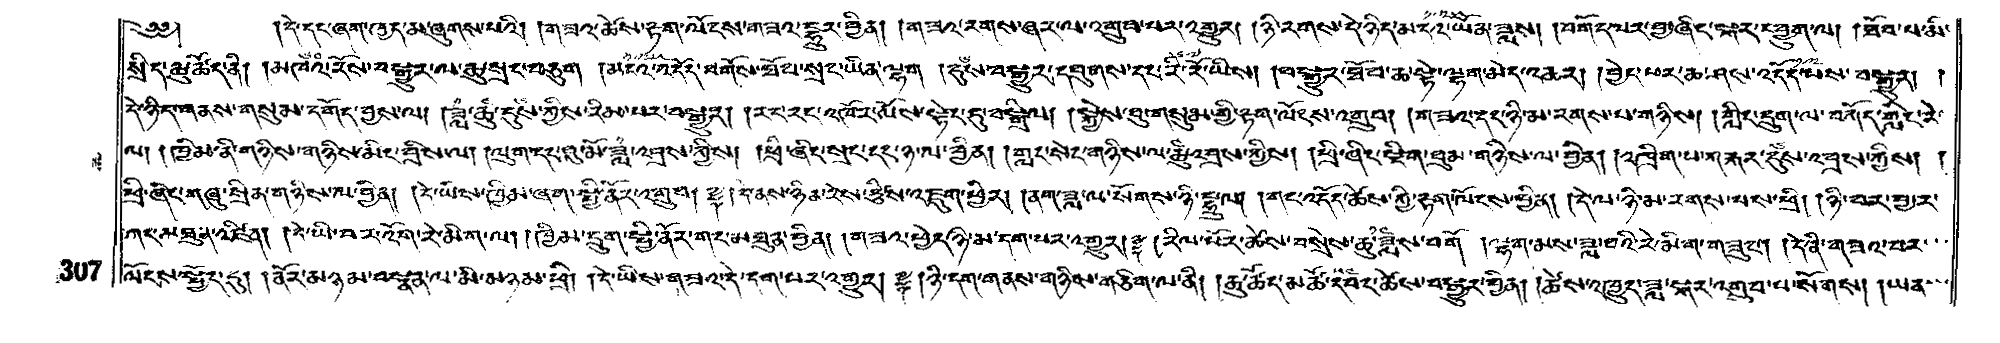༄༅། །དེ་དང་ཞག་ཁྱད་མ་ཞུགས་པའི། །གཟའ་ཚེས་རྟག་ལོངས་གཟའ་དྷྲུར་བྱིན། །གཟའ་རགས་ཞར་ལ་འགྲུབ་པར་འགྱུར། །ཉི་རགས་དེ་ཉིད་མདའ་ཡོན་ཟླས། །བགོད་པར་བྱ་ཞིང་སྐར་དབྱུག་ལ། །ཐོབ་པ་མི་
སྲིད་ཆུ་ཚོད་ནི། །མཁའ་རོས་བསྒྱུར་ལ་ཆུ་སྲང་བཅུག །མངའ་འདོད་བགོས་ཐོབ་སྲང་ཡིན་ལྷག །དུས་བསྒྱུར་དབུགས་དང་རི་རོ་ཡིས། །བསྒྱུར་ཐོབ་ཆ་སྟེ་ལྷག་མེད་འཆར། །བྱེད་པར་ཆ་ཤས་འདོད་པས་བསྒྱུར། །
དེ་ཉིད་གནས་གསུམ་དགོད་བྱས་ལ། །ཟླ་ཆུ་དུས་ཀྱིས་རིམ་པར་བསྒྱུར། །རང་རང་འཁོར་ལོས་སྟེང་དུ་བསྒྲིལ། །སྐྱེས་བུ་གསུམ་གྱི་རྟག་ལོངས་འགྲུབ། །གཟའ་དང་ཉི་མ་རགས་པ་གཉིས། །གླིང་དྲུག་ལ་བཀོད་གླིང་རེ་
ལ། །ཁྱིམ་ནི་གཉིས་གཉིས་མིང་བྲིས་ལ། །ལུག་དང་བུ་མོ་ཟླ་འབྲས་ཀྱིས། །ཕྲི་ཞིང་སྲང་དང་ཉ་ལ་བྱིན། །གླང་སེང་གཉིས་ལ་ཆུ་འབྲས་ཀྱིས། །ཕྲི་ཞིང་སྡིག་བུམ་གཉིས་ལ་བྱིན། །འཁྲིག་པ་ཀརྐར་དུས་འབྲས་ཀྱིས། །
ཕྲི་ཞིང་གཞུ་སྲིན་གཉིས་ལ་བྱིན། །དེ་ཡིས་ཁྱིམ་ཞག་སྤྱི་ནོར་འགྲུབ། ༈ །དེ་ནས་ཉིན་རེས་རྩིས་འཇུག་ཕྱིར། །ནག་ཟླ་ལ་སོགས་ཉི་དྷྲུ་ལ། །གང་འདོད་ཚེས་ཀྱི་རྟག་ལོངས་བྱིན། །དེ་ལ་ཉི་མ་རགས་པས་ཕྲི། །ཉི་བར་བྱ་ར་
གང་མཐུན་འཛིན། །དེ་ཡི་བར་འོག་རེ་མིག་ལ། །ཁྱིམ་དྲུག་སྤྱི་ནོར་གང་མཐུན་བྱིན། །གཟའ་ཕྱེད་ཉི་མ་དག་པར་འགྱུར། ༈ །རིལ་པོར་ཚེས་བསྲེས་ཆུ་ཟླས་བགོ །ལྷག་མས་ཟླ་བའི་རེ་མིག་གཟུང་། །དེ་ནི་གཟའ་བར་
ལོངས་སྤྱོད་དུ། །ནོར་མཉམ་བསྣན་ལ་མི་མཉམ་ཕྲི། །དེ་ཡིས་གཟའ་དེ་དག་པར་འགྱུར། ༈ །ཉི་དག་གནས་གཉིས་གཅིག་ལ་ནི། །ཆུ་ཚོད་མཚོ་དབང་ཚེས་བསྒྱུར་བྱིན། །ཚེས་འཁྱུད་ཟླ་སྐར་འགྲུབ་པ་སོགས། །ཡན་